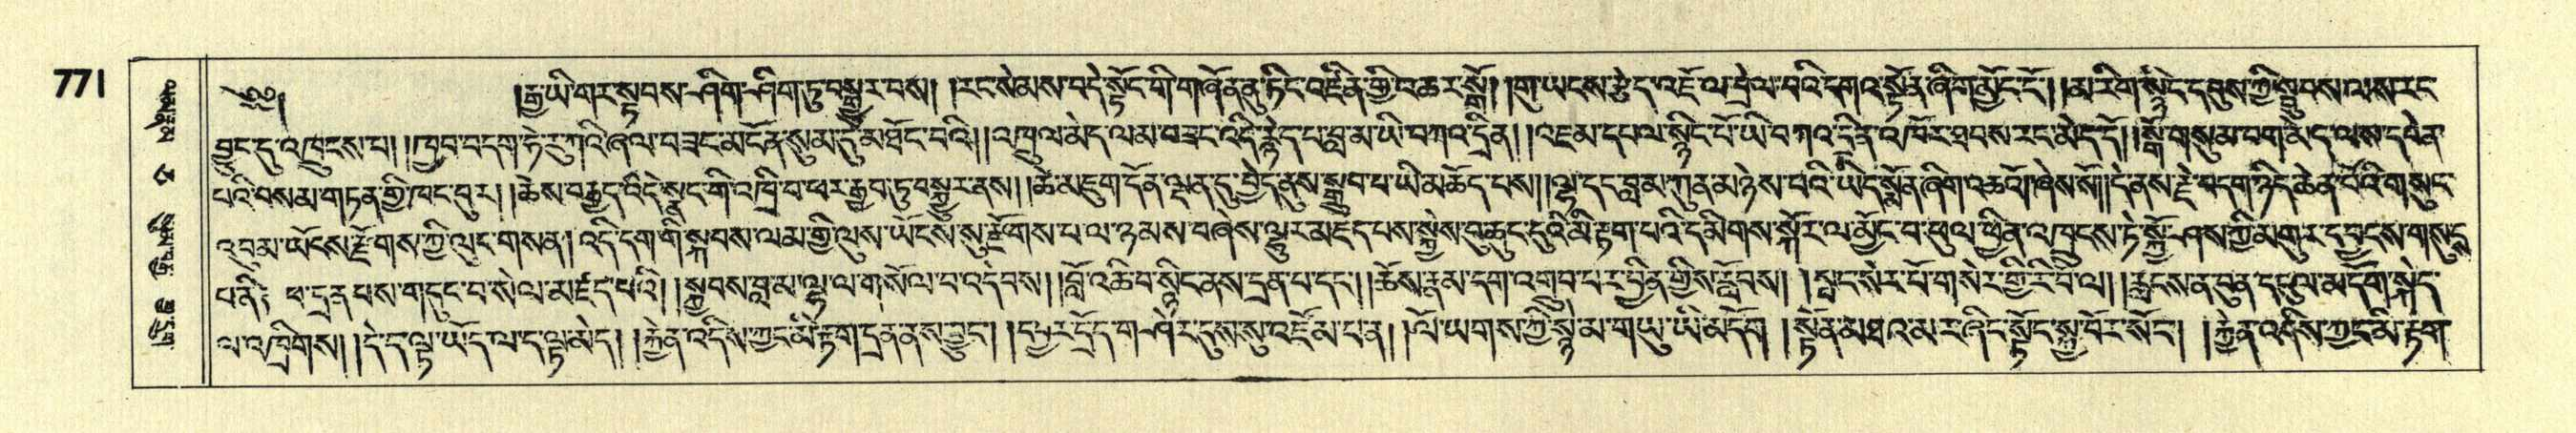༄༅། །རྒྱ་ཡི་གར་སྟབས་ཤིག་ཤིག་ཏུ་བསྒྱུར་བས། །རང་སེམས་བདེ་སྟོང་གི་གཞོན་ནུ་ཏིང་འཛིན་གྱི་འཆར་སྒོ། །གུ་ཡངས་རྩེད་འཇོལ་བྲེལ་བའི་དགའ་སྟོན་ཞིག་མྱོང་ངོ། །མ་རིག་སྙིང་དབུས་ཀྱི་སྦུབས་ལས་རང་
བྱུང་དུ་འཁྲུངས་པ། །ཁྱབ་བདག་ཧེ་རུ་ཀའི་ཞལ་བཟང་མངོན་སུམ་དུ་མཐོང་བའི། །འཁྲུལ་མེད་ལམ་བཟང་འདི་རྙེད་པ་བླ་མ་ཡི་བཀའ་དྲིན། །འཇམ་དཔལ་སྙིང་པོ་ཡི་བཀའ་དྲིན་འཁོར་ཐབས་རང་མེད་དོ། །སྒོ་གསུམ་བག་མེད་ལས་དབེན་
པའི་བསམ་གཏན་གྱི་ཁང་བུར། །ཆེས་བརྒྱད་འདེ་སྣང་གི་འཁྲི་བ་ཕར་རྒྱབ་ཏུ་བསྐྱུར་ནས། །ཚེ་མཇུག་དོན་ལྡན་དུ་བྱེད་ནུས་སྒྲུབ་པ་ཡི་མཆོད་པས། །ལྷ་དང་བླ་མ་ཀུན་མཉེས་པའི་ཡིད་སྨོན་ཞིག་འཆའོ། །ཞེས་སོ། །དེ་ནས་རྗེ་བདག་ཉིད་ཆེན་པོའི་གསུང་
འབུམ་ཡོངས་རྫོགས་ཀྱི་ལུང་གསན། འདི་དག་གི་སྐབས་ལམ་གྱི་ལུས་ཡོངས་སུ་རྫོགས་པ་ལ་ཉམས་བཞེས་ལྷུར་མཇད་པས་སྐྱེས་བུ་ཆུང་དུའི་མི་རྟག་པའི་དམིགས་སྐོར་ལ་མྱོང་བ་ཕུལ་ཕྱིན་འཁྲུངས་ཏེ་སྐྱོ་ཤས་ཀྱི་མགུར་དབྱངས་གསུངས་
པ་ནི༑ ཕ་དྲན་པས་གདུང་བ་སེལ་མཛད་པའི། །སྐྱབས་བླ་མ་ལྷ་ལ་གསོལ་བ་འདེབས། །བློ་འཆི་བ་སྙིང་ནས་དྲན་པ་དང་། །ཆོས་རྣམ་དག་འགྲུབ་པར་བྱིན་གྱིས་རློབས། །སྤང་སེར་པོ་གསེར་གྱི་རི་བ་ལ། །རླངས་ན་བུན་དངུལ་མདོག་སྐེད་
ལ་འཁྲིགས། །དེ་ད་ལྟ་ཡོད་ལ་ད་ལྟ་མེད། །རྐྱེན་འདིས་ཀྱང་མི་རྟག་དྲན་ནས་བྱུང་། །དབྱར་དྲོད་གཤེར་དུས་སུ་འཛོམ་པ་ན། །ལོ་ཡགས་ཀྱི་སྙེ་མ་གཡུ་ཡི་མདོག །སྟོན་མཐའ་མར་ཞིང་སྟོང་སྐྱ་བོར་སོང་། །རྐྱེན་འདིས་ཀྱང་མི་རྟག་